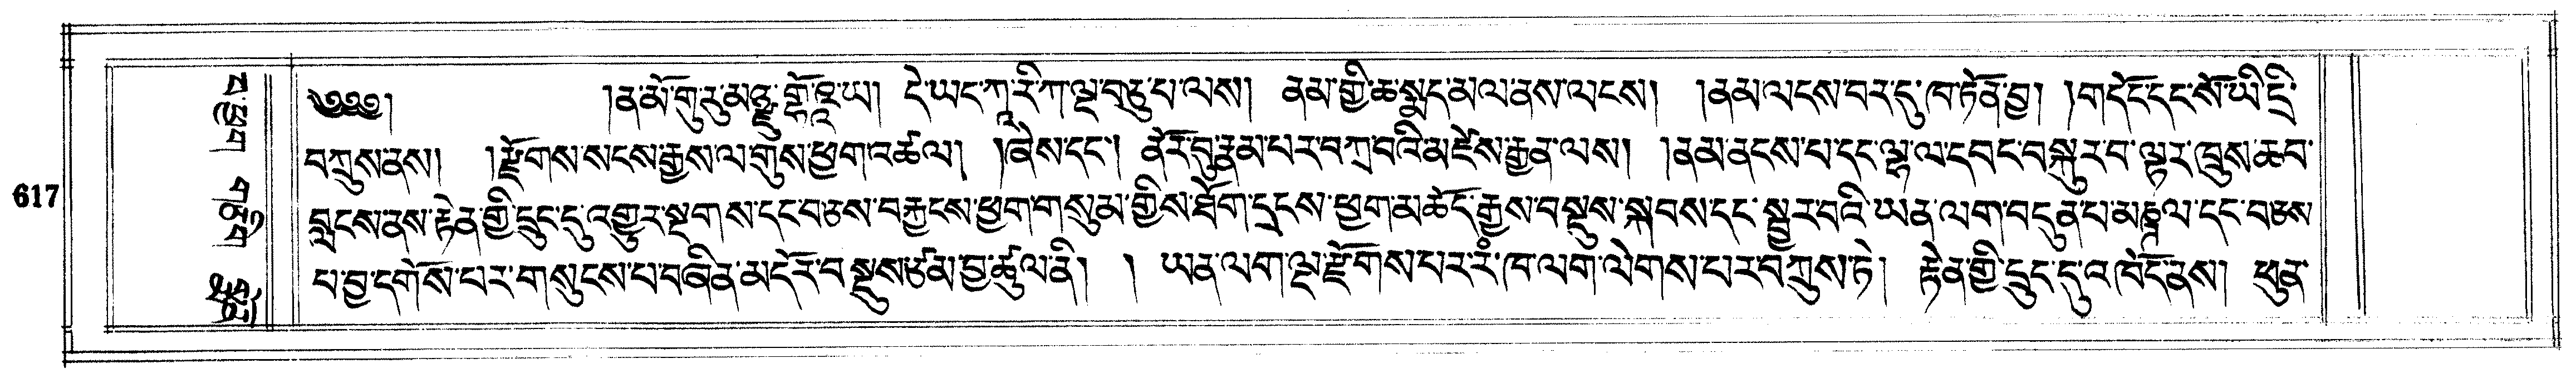༄༅༅། །ན་མོ་གུ་རུ་མཉྫུ་གྷོ་ཥཱ་ཡ། དེ་ཡང་ཀཱ་རི་ཀ་ལྔ་བཅུ་པ་ལས། ནམ་གྱི་ཆ་སྨད་མལ་ནས་ལངས། །ནམ་ལངས་བར་དུ་ཁ་ཏོན་བྱ། །གདོང་དང་སོ་ཡི་དྲི་
བཀྲུས་ནས། །རྫོགས་སངས་རྒྱས་ལ་གུས་ཕྱག་འཚལ། །ཞེས་དང་། ནོར་བུ་རྣམ་པར་བཀྲ་བའི་མཛེས་རྒྱན་ལས། །ནམ་ནངས་པ་དང་ལྷ་ལ་དབང་བསྐུར་བ་ལྟར་ཁྲུས་ཆབ་
བླངས་ནས་རྟེན་གྱི་དྲུང་དུ་འགྱུར་སྔགས་དང་བཅས་བརྐྱངས་ཕྱག་གསུམ་གྱིས་ཐོག་དྲངས་ཕྱག་མཆོད་རྒྱས་བསྡུས་སྐབས་དང་སྦྱར་བའི་ཡན་ལག་བདུན་པ་མཎྜལ་དང་བཅས་
པ་བྱ་དགོས་པར་གསུངས་པ་བཞིན་མདོར་བསྡུས་ཙམ་བྱ་ཚུལ་ནི། །ཡན་ལག་ལྔ་རྫོགས་པར་རཾ་ཁ་ལག་ལེགས་པར་བཀྲུས་ཏེ། རྟེན་གྱི་དྲུང་དུ་འཁོད་ནས། ཕུན་